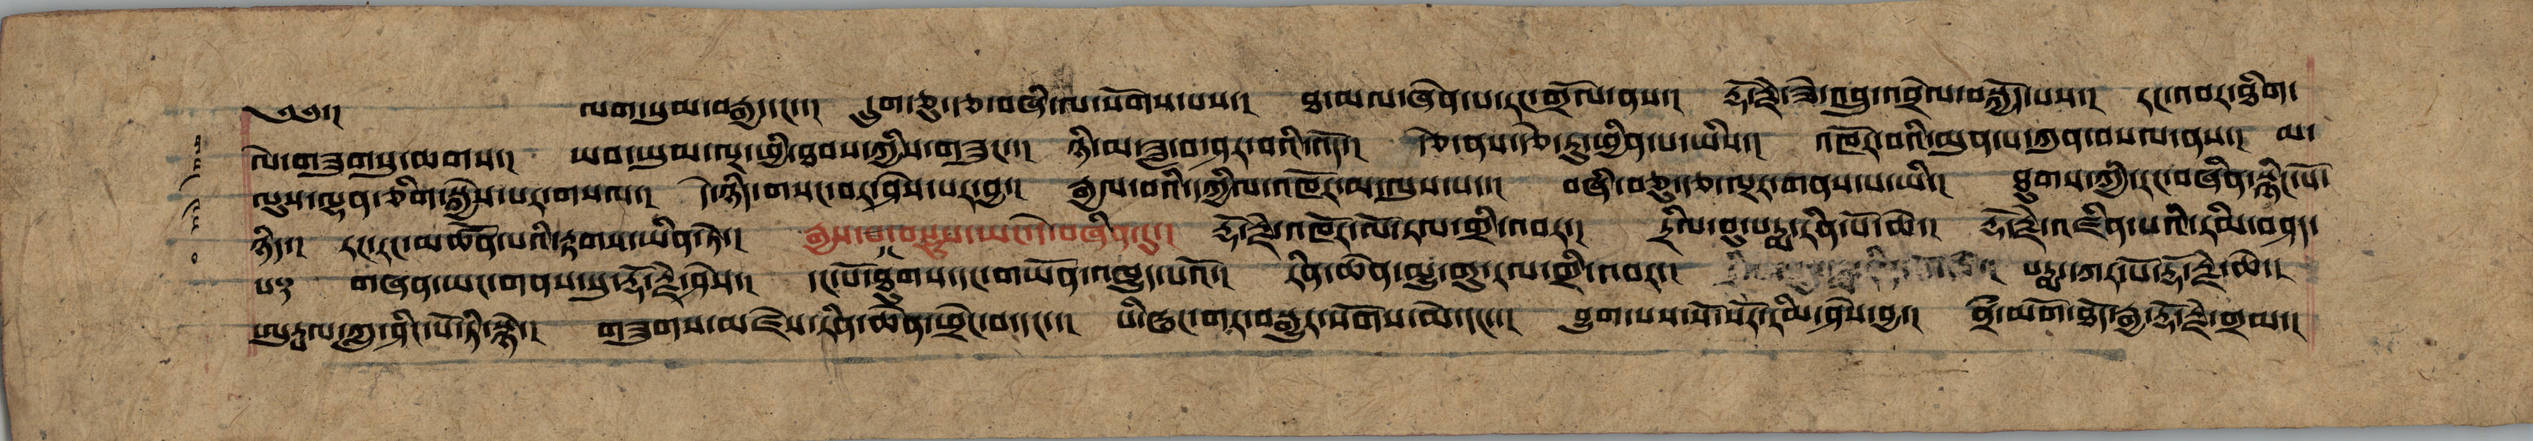༄༅་། ལག་སུམ་བརྒྱ་དང་་། དྲུག་ཅུ་རྩ་བཞི་ལ་སོགས་པས་། ཐ་མལ་ཞེན་པ་རང་གྲོལ་ནས་། རྡོ་རྗེ་ཟེ་འབྲུ་འབྲེལ་བསྐྱོད་པས་། རང་འབར་ཐིག་
ལེ་གཟུགསུ་ཆགས་། ཡབ་ཡུམ་ལྔ་ཕྱི་ཐབས་ཀྱིས་གཟུང་་། ཉི་མ་ཟླ་བ་ཤར་བའི་འོད་། རྩེ་ནས་རྩེ་རུ་ཕྱིན་པ་ཡིས་། འཁོར་བའི་མུན་པ་ཀུན་བསལ་ནས་། མ་
ལུས་ལྷན་ཅིག་སྐྱེས་པར་གསལ་། དེ་ཉིད་གསང་བར་ཤེས་པར་བྱ་། རྒྱལ་བའི་དཀྱིལ་འཁོར་མ་ལུས་པད་། བཞི་བཅུ་རྩ་ལྔར་གནས་པ་ཡི་། ཐུགས་ཀྱི་རང་བཞིན་སྙིང་པོ་
ཉིད་། རང་རང་མཚོན་པའི་རྟགས་ཡིན་ཏེ་། རྒྱས་དང་བསྡུས་ཡང་དེ་བཞིན་དུ་། རྡོ་རྗེ་འཁོར་ལོ་རལ་གྲི་འབར་། དྲིལ་བུ་པདྨ་རིན་པོ་ཆེ་། རྡོ་རྗེ་འཛིན་པའི་རིམ་བཤད་
པ༑ གཞན་ཡང་གནས་སུ་རྡོ་རྗེ་ཤེས་། དང་པོ་ཐུགས་དང་གཡོན་འཁྱུད་པའོ་། རིན་ཆེན་མྱུ་གུ་རལ་གྲི་འབར་། པདྨ་དཀར་པོ་རྡོ་རྗེ་ཆེ་།
ཨུཏྤལ་ཀླུ་ཤིང་པོ་ཏི་སྙེ་། གཟུགས་མཛེས་རིན་ཆེན་ཕྲེང་བ་དང་་། པི་ཝང་གར་བསྒྱུར་སོགས་མེ་དང་་། བྱུག་པས་སོ་སོར་རིམ་ཤེས་བྱ་། ནྲྀ་མགོ་ཐོད་རྒྱ་རྡོ་རྗེ་གྲམ་།